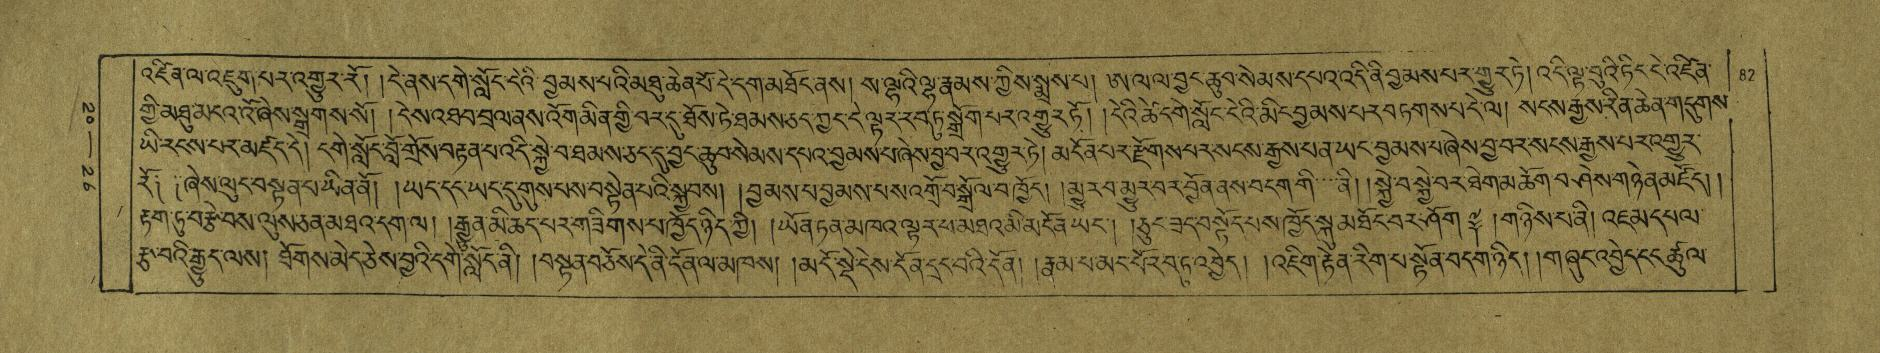འཛིན་ལ་འཇུག་པར་འགྱུར་རོ། །དེ་ནས་དགེ་སློང་དེའི་བྱམས་པའི་མཐུ་ཆེན་པོ་དེ་དག་མཐོང་ནས། ས་ལྷའི་ལྷ་རྣམས་ཀྱིས་སྨྲས་པ། ཨ་ལ་ལ་བྱང་ཆུབ་སེམས་དཔའ་འདི་ནི་བྱམས་པར་གྱུར་ཏེ། འདི་ལྟ་བུའི་ཏིང་ངེ་འཛིན་
གྱི་མཐུ་མངའ་འོ་ཞེས་སྒྲགས་སོ། །དེས་འཐབ་བྲལ་ནས་འོག་མིན་གྱི་བར་དུ་ཐོས་ཏེ་ཐམས་ཅད་ཀྱང་དེ་ལྟར་རབ་ཏུ་སྒྲོག་པར་འགྱུར་ཏོ། །དེའི་ཚེ་དགེ་སློང་དེའི་མིང་བྱམས་པར་བཏགས་པ་དེ་ལ། སངས་རྒྱས་རིན་ཆེན་གདུགས་
ཡི་རངས་པར་མཛད་དེ། དགེ་སློང་བློ་གྲོས་བརྟན་པ་འདི་སྐྱེ་བ་ཐམས་ཅད་དུ་བྱང་ཆུབ་སེམས་དཔའ་བྱམས་པ་ཞེས་བྱ་བར་འགྱུར་ཏེ། མངོན་པར་རྫོགས་པར་སངས་རྒྱས་པ་ན་ཡང་བྱམས་པ་ཞེས་བྱ་བར་སངས་རྒྱས་པར་འགྱུར་
རོ༑ ༑ཞེས་ལུང་བསྟན་པ་ཡིན་ནོ། །ཡང་དང་ཡང་དུ་གུས་པས་བསྟེན་པའི་སྐྱབས། །བྱམས་པ་བྱམས་པས་འགྲོ་བ་སྒྲོལ་བ་ཁྱོད། །མྱུར་བ་མྱུར་བར་བྱོན་ནས་བདག་གི་ནི། །སྐྱེ་བ་སྐྱེ་བར་ཐེག་མཆོག་བཤེས་གཉེན་མཛོད། །
རྟག་ཏུ་བརྩེ་བས་ལུས་ཅན་མཐའ་དག་ལ། །རྒྱུན་མི་ཆད་པར་གཟིགས་པ་ཁྱོད་ཉིད་ཀྱི། །ཡོན་ཏན་མཁའ་ལྟར་ཕ་མཐའ་མི་མངོན་ཡང་། །ཅུང་ཟད་བསྟོད་པས་ཁྱོད་སྐུ་མཐོང་བར་ཤོག ༈ །གཉིས་པ་ནི། འཇམ་དཔལ་
རྩ་བའི་རྒྱུད་ལས། ཐོགས་མེད་ཅེས་བྱའི་དགེ་སློང་ནི། །བསྟན་བཅོས་དེ་ནི་དོན་ལ་མཁས། །མདོ་སྡེ་དེས་དོན་དྲང་བའི་དོན། །རྣམ་པ་མང་པོ་རབ་ཏུ་འབྱེད། །འཇིག་རྟེན་རིག་པ་སྟོན་བདག་ཉིད། །གཞུང་འབྱེད་དང་ཚུལ་